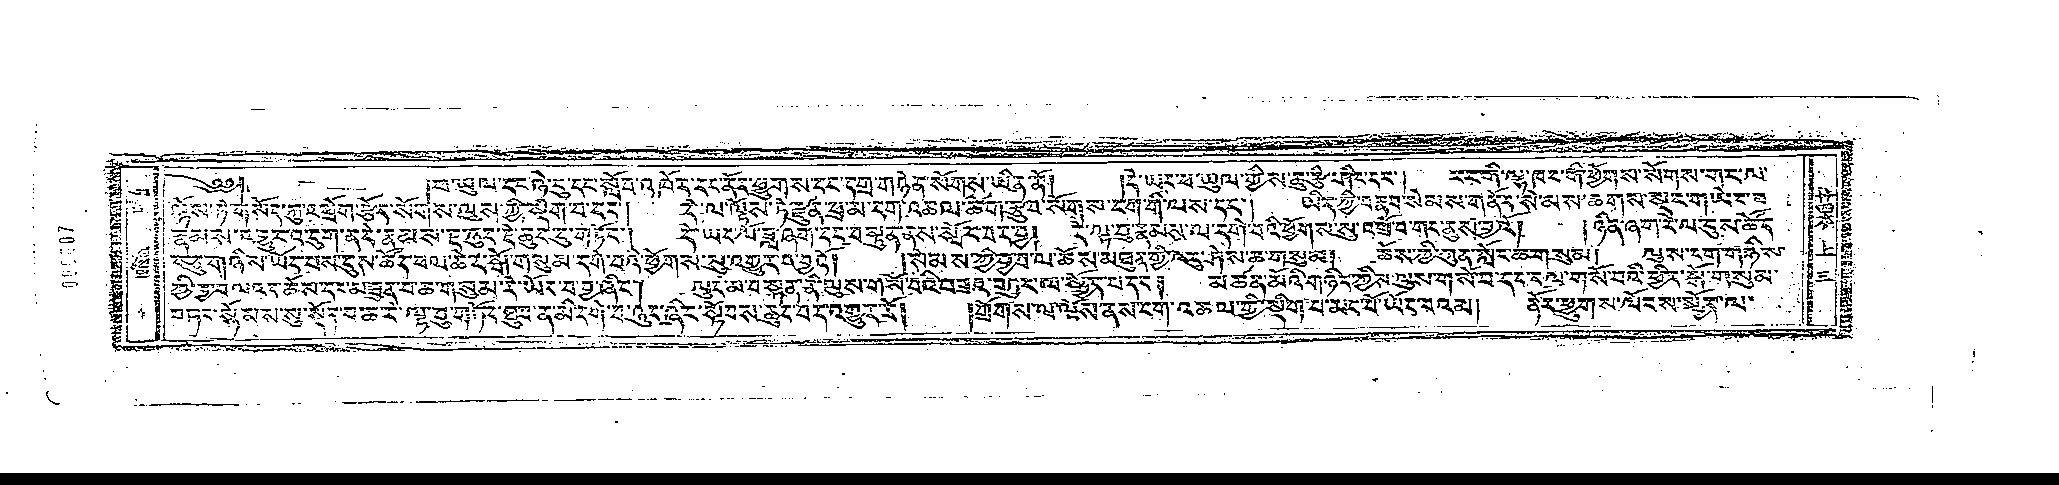༄༅། །བ་ཡུལ་དང་ཉེ་དུ་དང་སློབ་འཁོར་དང་ནོར་ཕྲུགས་དང་དགྲ་གཉེན་སོགས་ཡིན་ནོ། །དེ་ཡང་པ་ཕུལ་གྱིས་ཆུ་རྩི་ཤིང་དང་། རང་གི་ལྔ་ཁང་གི་ཕྱོགས་སོགས་གང་ལ་
ལྟེས་ཏེ་གསོད་རྐུ་འཕྲོག་རྩོད་སོགས་ལུས་ཀྱི་སྡིག་པ་དང་། དེ་ལ་ལྡོས་ཏེ་རྫུན་ཕྲ་མ་དག་འཆལ་ཚིག་རྩུབ་སོགས་དག་གི་ལས་དང་། ཡིད་ཀྱི་བརྣབ་སེམས་གནོད་སེམས་ཆགས་སྡང་གཡེང་བ་
རྣམས་འབྱུང་འདུག་ན་དེ་རྣམས་ཇེ་ཉུང་ཇེ་ཆུང་དུ་གཏོང་། དེ་ཡང་ལོ་ཟླ་ཞག་དང་བསྡུན་ནས་སྤོར་བར་བྱ། དེ་ལྟ་བུ་རྣམས་ལ་དགེ་བའི་ཕྱོགས་སུ་འགྲོ་བ་གང་ནུས་བྱའོ། །ཉིན་ཞག་རེ་ལ་དུས་ཚོད་
བཅུ་གཉིས་ཡོད་བས་དུས་ཚོད་ཕལ་ཆེར་སྒོ་གསུམ་དགེ་བའི་ཕྱོགས་སུ་འགྱུར་བ་བྱའོ། །སེམས་ཀྱི་བྱ་བ་ལ་ཆོས་མཐུན་གྱི་འདུ་ཤེས་ཆ་གསུམ། ཆོས་ཀྱི་ཀུན་སློང་ཆ་གསུམ། ལུས་དགྲ་གཉིས་
ཀྱི་བྱ་བ་ལའང་ཆོས་དང་མཐུན་པ་ཆ་གསུམ་རེ་ཡོད་བ་བྱ་ཞིང་། ལུང་མ་བསྟན་ནི་ལུས་གསོ་བའི་བཟའ་བཏུང་ལ་སྤྱོད་པ་དང་། མཚན་མོའི་གཉིད་ཀྱིས་ལུས་གསོ་བ་དང་ང་ལ་གསོ་པའི་ཕྱིར་ལེན་གསུམ་
བཏང་སྟོམས་སུ་སྡོད་པ་ཆ་དེ་ལྟ་བུ་གཏོང་ཐུབ་ན་མི་དགེ་བ་ཉུང་ཞིང་སྟོབས་ཆུང་བར་འགྱུར་རོ། །གྲོགས་ལ་ལྟོས་ནས་དག་འཆལ་གྱི་སྡིག་པ་མང་པོ་ཡོད་པའམ། ནོར་ཕྱུགས་ལོངས་སྤྱོད་ལ་